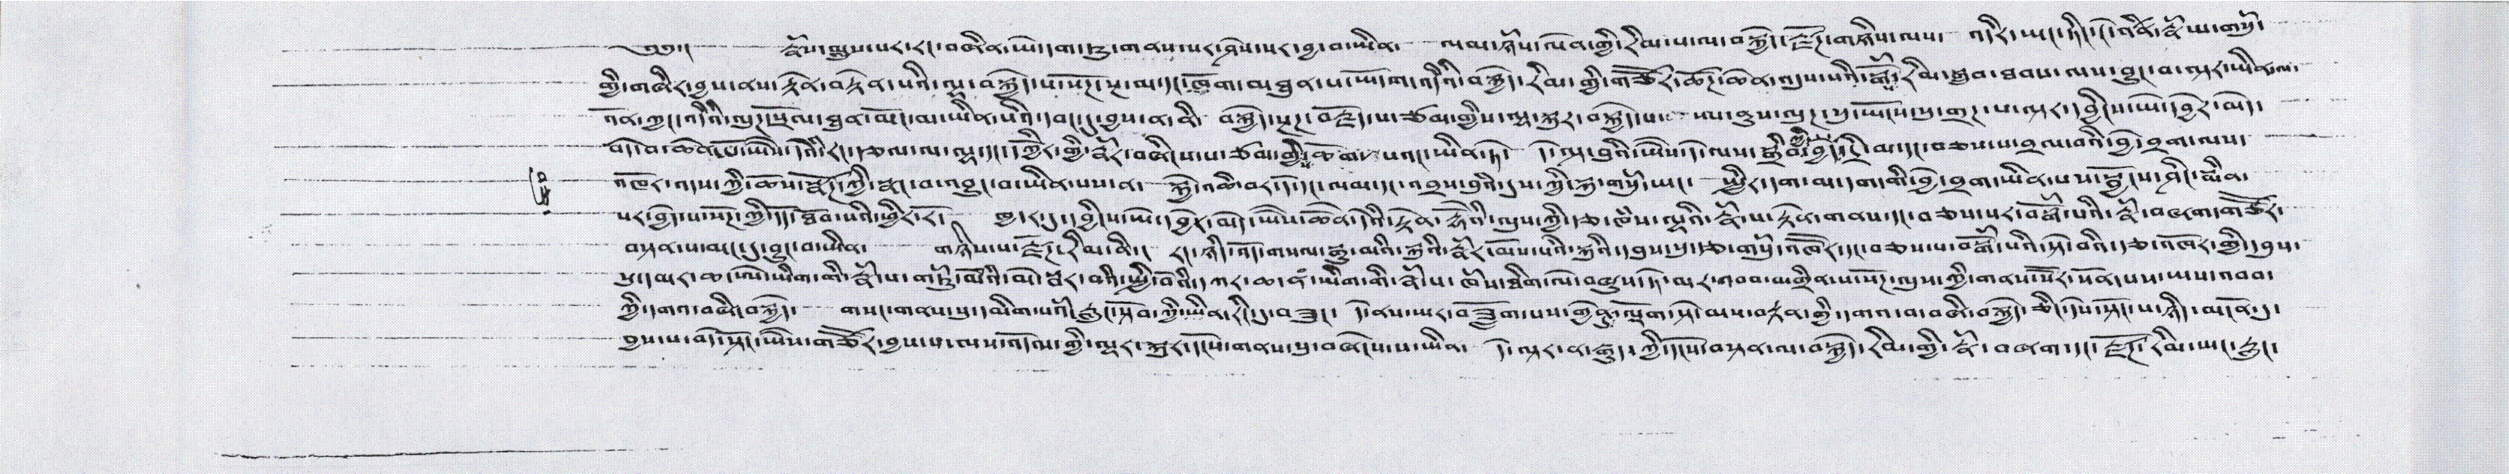རྣམས་མ་ལུས་པར་རང་བཞིན་ཡེ་དག་ཏུ་གནས་པར་ཤེས་པར་བྱ་བ་ཡིན། ལམ་ཉམས་ལེན་གྱི་རིམ་པ་ལ་བསྐྱེད་རྫོགས་གཉིས་ལས། འདིར་ཡང་ཏིང་ངེ་འཛིན་རྣམ་པ་གསུམ་
གྱི་གཞིར་བྱས་ནས་རྟེན་བརྟེན་པའི་ལྷ་བསྐྱེད་པ་སོགས་སྔ་མ་དང་ཁོག་མཐུན་པ་ཡོི་ག་འདིའི་བསྐྱེད་རིམ་གྱི་གཙོ་བོར་ཚོགས་ཆེན་འདུས་པའི་སྒོམ་རིམ་སྒྲུབ་ཐབས་ལས་བྱུང་བ་ལྟར་ཡིན་ལ། 
འོན་ཀྱང་འདིའི་ལུགས་སྲོལ་ཐུན་མོང་མ་ཡིན་པའི་དབང་དུ་བྱས་ན་ནི་བསྐྱེད་སྔགས་བརྗོད་པ་ཙམ་གྱིས་ལྷ་སྐུར་བསྐྱེད་པ་ཨ་ནུའི་ལུགས་སུ་ཡོིངས་སུ་གྲགས་པ་ལྟར་དབྱིངས་ཡེ་དབྱེར་མེད་
བདེ་བ་ཆེན་པོ་ཡེ་ཤེས་དེའི་རང་རྩལ་ལ་ལྷ་དང་དཀྱིལ་འཁོར་གྱི་རྣམ་པར་བཞེངས་པ་ཙམ་གྱིས་ཆོག་པའང་ཡིན་ཏེ། དེ་ལྟ་བུའི་ཡེ་ཤེས་དེ་ལས་སྒྲིབ་བྱེད་ཀྱི་དྲི་མ་དང་བཅས་པ་བྲལ་བའི་བྱེ་བྲག་ལས་
འཁོར་འདས་ཀྱི་ཆོས་སྣ་ཚོགས་ཀྱི་སྣང་བ་འབྱུང་བ་ཡིན་པས་ན། སྐྱེ་འཆི་བར་དོ་དང་ལམ་དང་འབྲས་བུའི་དུས་ཀྱི་སྐུ་གསུམ་ཡང་། སྤྱིར་དག་མ་དག་གི་བྱེ་བྲག་ཡིན་པས་སྦྱངས་ཤིང་སྨིན་
པར་བྱེད་པ་སོགས་ཀྱི་དོད་ཐོབ་པའི་ཕྱིར་རོ། ཁྱད་པར་དུ་དབྱིངས་ཡེ་དབྱེར་མེད་ཡེ་ཤེས་ཆེན་པོ་དེའི་རྟེན་རྡོ་རྗེའི་ལུས་ཀྱི་རྩ་ཁམས་ལྷ་ཡི་རྣམ་པ་རྟེན་གནས་དང་བཅས་པར་བསྒོམ་པའི་རྣམ་གཞག་གཙོ་བོར་
བསྟན་པ་མང་དུ་བྱུང་བ་ཡིན། གཉིས་པ་རྫོགས་རིམ་ནི། རང་ཉིད་འོད་གསལ་སྒྱུ་མའི་སྐུའི་རྣམ་པར་རོལ་པའི་སྐུ་ཡི་དབུས་སུ་རྩ་རྩ་གསུམ་འཁོར་ལོ་དང་བཅས་པ་བསྒོམ་པའི་ལྟེ་བའི་རྩ་འཁོར་གྱི་དབུས་
སུ་དམར་ཆ་ཨེ་ཡིག་གི་རྣམ་པ་གཏུམ་མོའི་མེ་སྤར་བའི་སྤྱི་བོའི་དཀར་ཆ་ཧཾ་ཡིག་གི་རྣམ་པ་ཁམས་ཐིག་ལེ་བསྡུས་ཏེ་མར་འབབས་མགྲིན་པ་སོགས་ལུས་ཀྱི་གནས་སོ་སོར་སོན་པས་ཡས་འབབ་
ཀྱི་དགའ་བཞི་བསྐྱེད། གསང་གནས་སུ་དམིགས་པའམ་རླུང་སྟོབས་ཀྱི་ཡུན་རིང་དུ་བཟུང་། དེ་ནས་ཡར་བཟློག་པས་གྱེན་དུ་བཟློག་སྟེ་གྱེན་བསྟན་གྱི་དགའ་བ་བཞི་བསྐྱེད་ཅིང་དེས་སྟོང་པ་ཉིད་མངོན་དུ་
བྱས་པ་བདེ་སྟོང་ཡེ་ཤེས་གཙོ་བོར་བྱས་པ་ལས་འོད་གསལ་གྱི་ལྷ་སྐུར་དངོས་གནས་སུ་བཞེངས་པ་ཡིན། དེ་ལྟར་ན་རྒྱུད་ཀྱི་དངོས་བསྟན་ལ་བསྐྱེད་རིམ་གྱི་རྣམ་གཞག་དང་རྫོགས་རིམ་ཡང་རླུང་